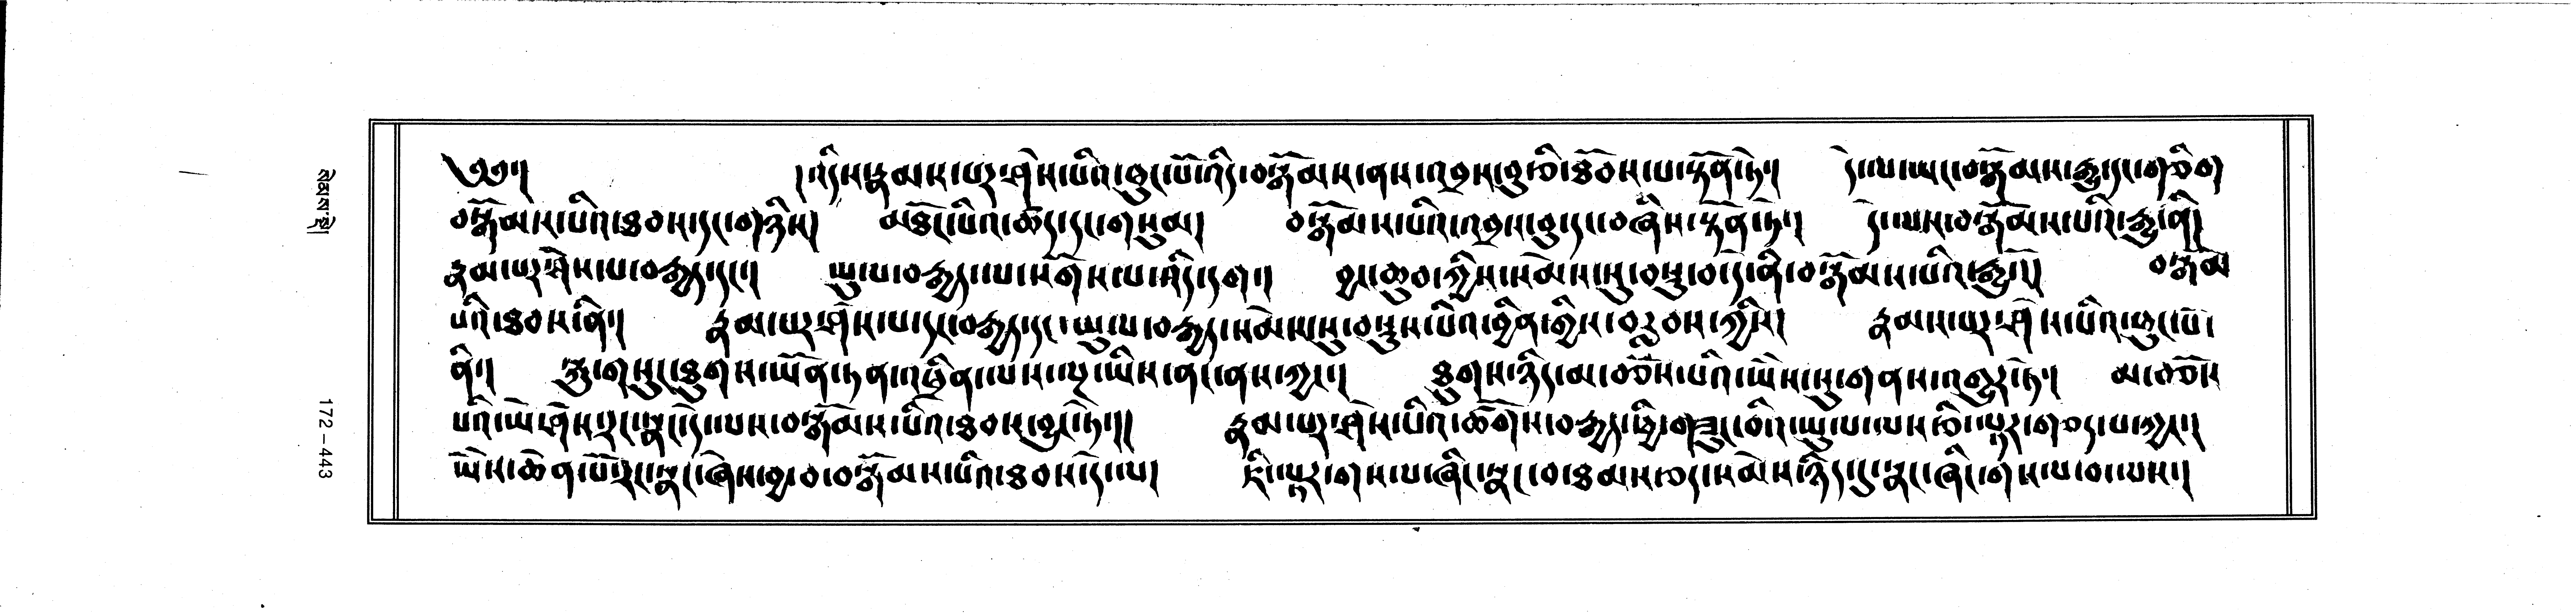འདིས་རྣམ་པར་ཤེས་པའི་ཕུང་པོ་འདི་བསྒོམས་ནས་འབྲས་བུ་ཅི་ཐོབ་པ་སྟོན་ཏེ། དེ་ལ་ཡང་བསྒོམས་རྒྱུ་དང་གཅིག་
བསྒོམས་པའི་ཐབས་དང་གཉིས། མཐོང་པའི་ཚད་དང་གསུམ། བསྒོམས་པའི་འབྲས་བུ་དང་བཞིས་སྟོན་ཏེ། དེ་ལས་བསྒོམས་པའི་རྒྱུ་ནི། 
རྣམ་པར་ཤེས་པ་བརྒྱད་དང་། ཡུལ་བརྒྱད་ལ་སོགས་པ་འདི་དག བྱང་ཆུབ་ཀྱིས་སེམས་སུ་བསྡུ་བ་དེ་ནི་བསྒོམས་པའི་རྒྱུའོ། བསྒོམ་
པའི་ཐབས་ནི། རྣམ་པར་ཤེས་པ་དང་བརྒྱད་དང་ཡུལ་བརྒྱད་སེམས་སུ་བསྡུས་པའི་བྱིན་གྱིས་བརླབས་ཀྱིས། རྣམ་པར་ཤེས་པའི་ཕུང་པོ་
ནི། སྐུ་གསུང་ཐུགས་ཡོན་ཏན་འཕྲིན་ལས་ལྔ་ཡིས་ནང་ནས་ཀྱང་། ཐུགས་ཉིད་མ་བཅོས་པའི་ཡེ་ཤེས་སུ་གནས་འགྱུར་ཏེ། མ་བཅོས་
པའི་ཡེ་ཤེས་རང་སྣང་དེ་ལས་བསྒོམས་པའི་ཐབས་བྱུང་ཏེ། རྣམ་པར་ཤེས་པའི་ཚོགས་བརྒྱད་ཕྱི་གཟུང་བའི་ཡུལ་ལས་ཅི་ལྟར་གཅད་པ་ཀྱང་། 
ཡེ་ཤེས་ཆེན་པོ་རང་སྣང་ཞེས་བྱ་བ་བསྒོམས་པའི་ཐབས་དེ་ལ། ཇི་ལྟར་གསལ་ཞིང་སྣང་བ་ཐམས་ཅད་སེམས་ཉིད་དུ་སྣང་ཞིང་གསལ་བ་ལས།